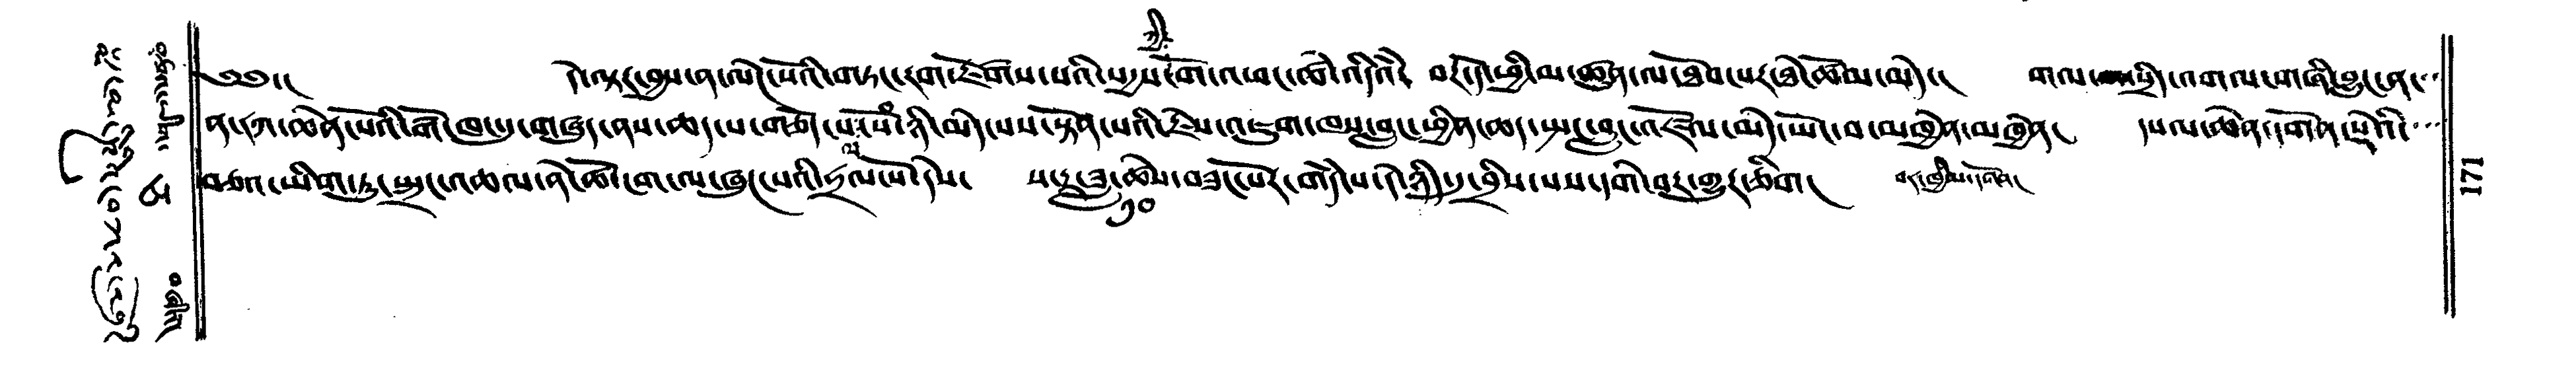དེ་ལྟར་བྱས་ན་ལེགས་སོའི་གཏང་རག་རྫོགས་པའི་སངས་རྒྱས་ཀྱི་གོ་འཕང་ཚེ་འདིའམ་བར་དོ་ཕྱི་མ་ཚུན་ལ་ཐོབ་པར་ཐེ་ཚོམ་མེད། ། གལ་སྲིད་འགལ་གཞི་བྱུང་ན་
ན་རཀ་ཆེན་པོའི་སྒོ་ཁང་དུ་བཞུད་ནས་ཆད་པ་གཅོད་པ་ལ་སོམ་ཉི་མེད་པས་སྟོན་པའི་རྗེས་འཇུག་ཁས་བླངས་ཕྱིན་ཆད་སྤང་བླང་འཛོལ་མེད་ཡོང་བ་མཁྱེན་མཁྱེན། ། དཔལ་ཆེན་དགོན་སྡེའི་
བཅའ་ཡིག་ཏུ་སྤྲང་འཆལ་ནེ་ཙོ་ངག་ལ་ཞུགས་པའི་ཧྲལ་བོ་དེས། ས་རྟ་ཟླ་བཅུ་ཚེས་བཅུ་བཟང་པོར་གདམས་པ་དེ་ཉིད་དུ་བྲིས་པས་དགེ་བར་གྱུར་ཅིག བར་ཁྱིམ་དགོན། དགེའོ།།